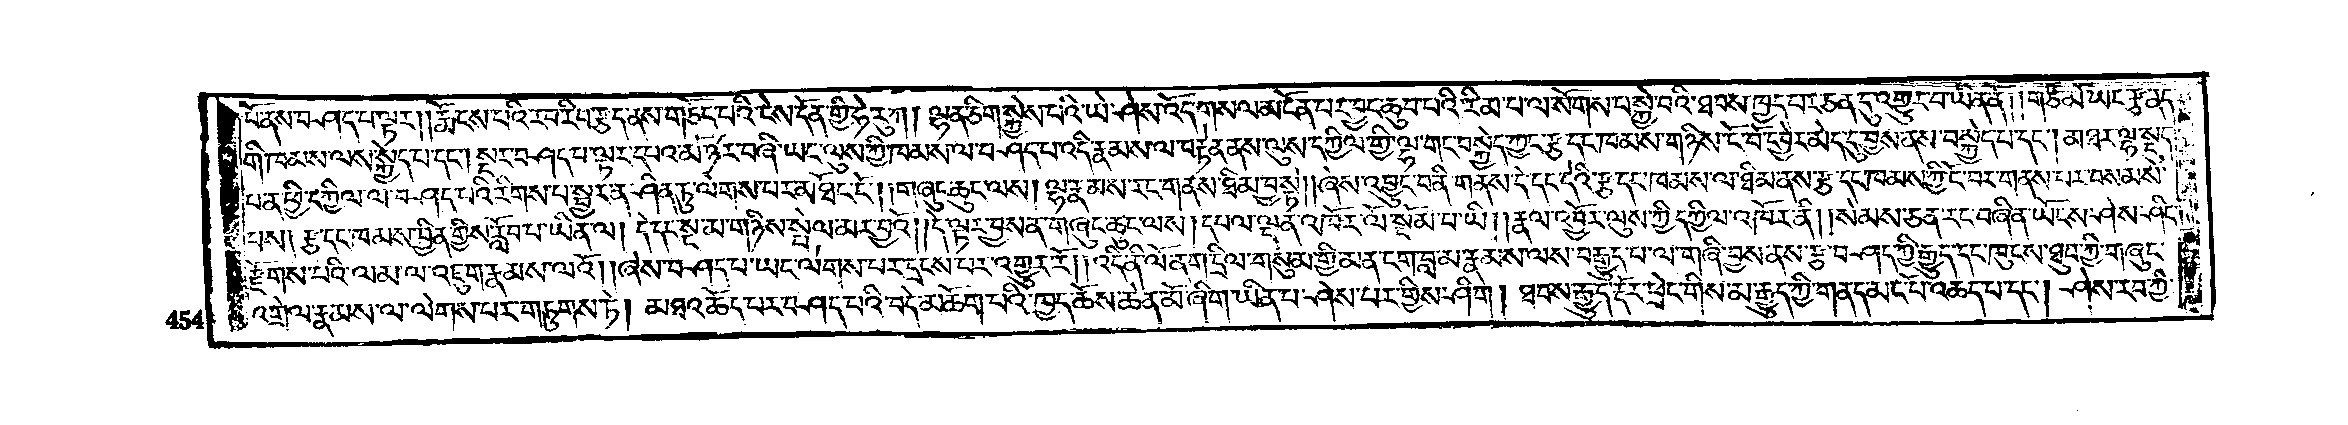པོ་ནས་བཤད་པ་ལྟར། །རྨོངས་པའི་རབ་རིབ་རྩད་ནས་གཅོད་པའི་ངེས་དོན་གྱི་ཧེ་རུ་ཀ། ལྷན་ཅིག་སྐྱེས་པའི་ཡེ་ཤེས་འོད་གསལ་མངོན་པར་བྱང་ཆུབ་པའི་རིམ་པ་ལ་སོགས་པ་སྐྱེ་བའི་ཐབས་ཁྱད་པར་ཅན་དུ་འགྱུར་བ་ཡིན་ནོ། །གཙེ་མོ་ཡང་རྩ་ནང་
གི་ཁམས་ལས་སྐྱེད་པ་དང་། སྔར་བཤད་པ་ལྟར་དཔའ་མོ་ཉེར་བཞི་ཡང་ལུས་ཀྱི་ཁམས་ལ་བཤད་པ་འདི་རྣམས་ལ་བརྟེན་ནས་ལུས་དཀྱིལ་གྱི་ལྷ་གང་བསྐྱེད་ཀྱང་རྩ་དང་ཁམས་གཉིས་ངོ་བོ་དབྱེར་མེད་དུ་བྱས་ནས་བསྐྱེད་པ་དང་། མཐར་ལྷ་སྡུད་
པ་ན་ཕྱི་དཀྱིལ་ལ་བཤད་པའི་རིགས་པ་སྦྱར་ན་ཤིན་ཏུ་ལེགས་པར་མཐོང་ངོ། །གཞུང་ཆུང་ལས། ལྷ་རྣམས་རང་གནས་ཐིམ་བྱ་སྟེ། །ཞེས་འབྱུང་བ་ནི་གནས་དེ་དང་དེའི་རྩ་དང་ཁམས་ལ་ཐིམ་ནས་རྩ་དང་ཁམས་ཀྱི་ངོ་བོར་གནས་པར་བསམས་
པས། རྩ་དང་ཁམས་བྱིན་གྱིས་རློབ་པ་ཡིན་ལ། དེ་དང་སྔ་མ་གཉིས་སྤེལ་མར་བྱའོ། །དེ་ལྟར་བྱས་ན་གཞུང་ཆུང་ལས། དཔལ་ལྡན་འཁོར་ལོ་སྡོམ་པ་ཡི། །རྣལ་འབྱོར་ལུས་ཀྱི་དཀྱིལ་འཁོར་ནི། །སེམས་ཅན་རང་བཞིན་ཡོངས་ཤེས་ཤིང་། །
རྫོགས་པའི་ལམ་ལ་འཇུག་རྣམས་ལའོ། །ཞེས་བཤད་པ་ཡང་ལེགས་པར་དྲངས་པར་འགྱུར་རོ། །འདི་ནི་ལོ་ནག་དྲིལ་གསུམ་གྱི་མན་ངག་བླ་མ་རྣམས་ལས་བརྒྱུད་པ་ལ་གཞི་བྱས་ནས་རྩ་བཤད་ཀྱི་རྒྱུད་དང་ཁུངས་ཐུབ་ཀྱི་གཞུང་
འགྲེལ་རྣམས་ལ་ལེགས་པར་གཏུགས་ཏེ། མཐའ་ཆོད་པར་བཤད་པའི་བདེ་མཆོག་པའི་ཁྱད་ཆོས་ཆེན་མོ་ཞིག་ཡིན་པ་ཤེས་པར་གྱིས་ཤིག །ཐབས་རྒྱུད་རྡོར་ཕྲེང་གིས་མ་རྒྱུད་ཀྱི་གནད་མང་པོ་འཆད་པ་དང་། ཤེས་རབ་ཀྱི་